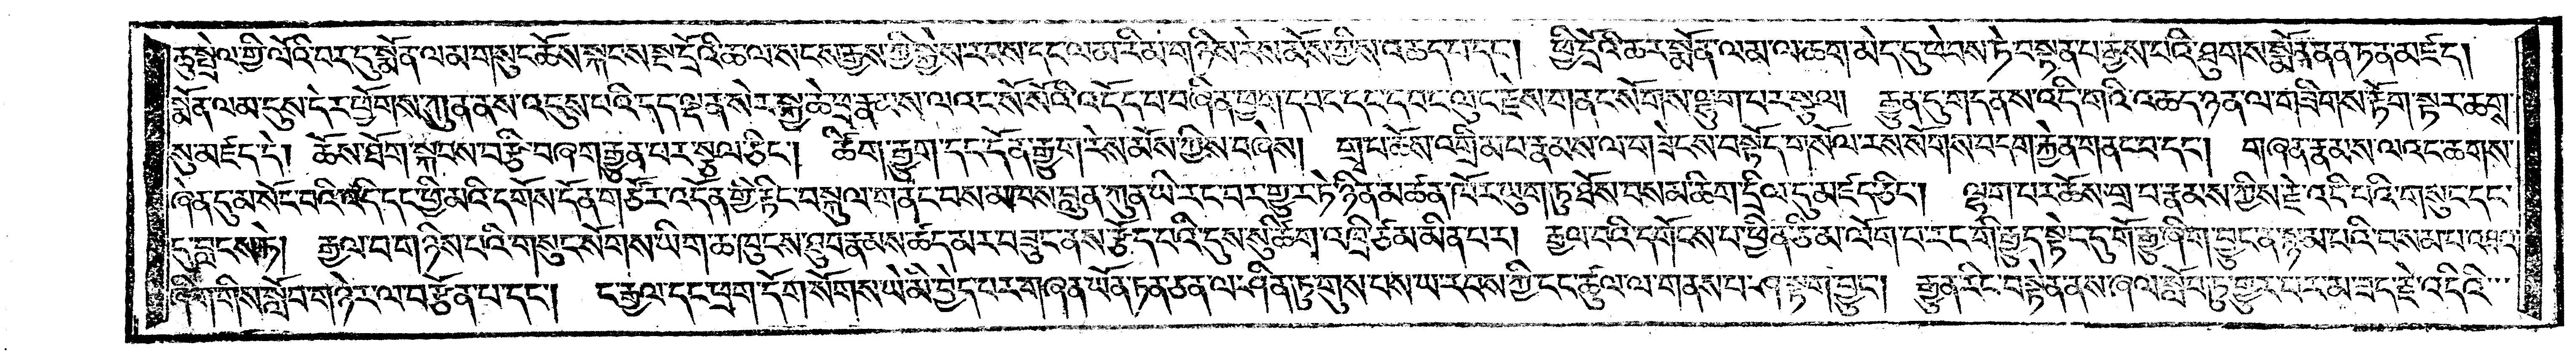ཆུ་སྤྲེལ་གྱི་ལོའི་བར་དུ་སྨོན་ལམ་གསུང་ཆོས་སྐབས་སྔ་དྲོའི་ཆ་ལ་སངས་རྒྱས་ཀྱི་སྐྱེས་རབས་དང་ལམ་རིམ་གཉིས་རེས་མོས་ཀྱིས་འཆད་པ་དང་། ཕྱི་དྲོའི་ཆར་སྨོན་ལམ་ལ་ཆག་མེད་དུ་ཕེབས་ཏེ་བསྟན་པ་རྒྱས་བའི་ཐུགས་སྨོན་ལམ་ཏན་མཛད།
སྨོན་ལམ་དུས་དེར་ཕྱོགས་ཀུན་ནས་འདུས་པའི་དད་ལྡན་སེར་སྐྱ་ཆེ་ཕྲ་རྣམས་ལའང་སོ་སོའི་འདོད་པ་བཞིན་ཕྱག་དབང་དང་དབང་ལུང་རྗེས་གནང་སོགས་ལྷུག་པར་སྩལ། རྒྱུན་དུ་གདན་ས་འདི་གའི་འཆད་ཉན་ལ་གཟིགས་རྟོག་སྟར་ཆགས་
སུ་མཛད་དེ། ཆོས་ཐོག་སྐབས་བརྩི་བཞག་རྒྱུན་པར་སྩལ་ཅིང་། ཚིག་རྒྱུག་དང་དོན་རྒྱུག་རེས་མོས་ཀྱིས་བཞེས། གྲྭ་པ་ཆོས་འགྲིམ་པ་རྣམས་ལ་གཟེངས་བསྟོད་གསོལ་རས་སོགས་བདག་རྐྱེན་གནང་བ་དང་། གཞན་རྣམས་ལའང་ཆགས་
ཞེན་དུ་མ་སོང་བའི་འདི་དང་ཕྱི་མའི་དགོས་དོན་གཙོར་འདོན་གྱི་རྟིང་བསྐུལ་གནང་བས་མཁས་བླུན་ཀུན་ཡི་རང་བར་གྱུར་ཏེ་ཉིན་མཚན་ཁོར་ཡུག་ཏུ་ཐོས་བསམ་ཆིག་དྲིལ་དུ་མཛད་ཅིང་། ལྷག་པར་ཆོས་གྲ་པ་རྣམས་ཀྱིས་རྗེ་འདི་པའི་གསུང་དང་
དུ་བླངས་ཏེ། རྒྱལ་བ་གཉིས་པའི་གསུང་སོགས་ཡིག་ཆ་ཁུངས་ཐུབ་རྣམས་ཚད་མར་བཟུང་ནས་རྩོད་པའི་དུས་སུ་ཆིག་འཁྲི་ཙམ་མིན་པར། རྒྱལ་བའི་དགོངས་པ་ཕྱིན་ཅི་མ་ལོག་པ་རང་གི་རྒྱུད་སྟེང་དུ་གོ་རྒྱུ་ཞིག་བྱུང་ན་སྙམ་པའི་བསམ་པ་འཐའ་
ཞིག་གིས་སློབ་གཉེར་ལ་བརྩོན་པ་དང་། ང་རྒྱལ་དང་ཕྲག་དོག་སོགས་ཡེ་མི་བྱེད་པར་གཞན་ཡོན་ཏན་ཅན་ལ་ཤིན་ཏུ་གུས་པས་ཡ་རབས་ཀྱི་ངང་ཚུལ་ལ་གནས་པ་ཤ་སྟག་བྱུང་། རྒྱུན་རིང་བསྟེན་ནས་ཞལ་སློབ་ཏུ་གྱུར་པར་མ་ཟད་རྗེ་འདིའི་